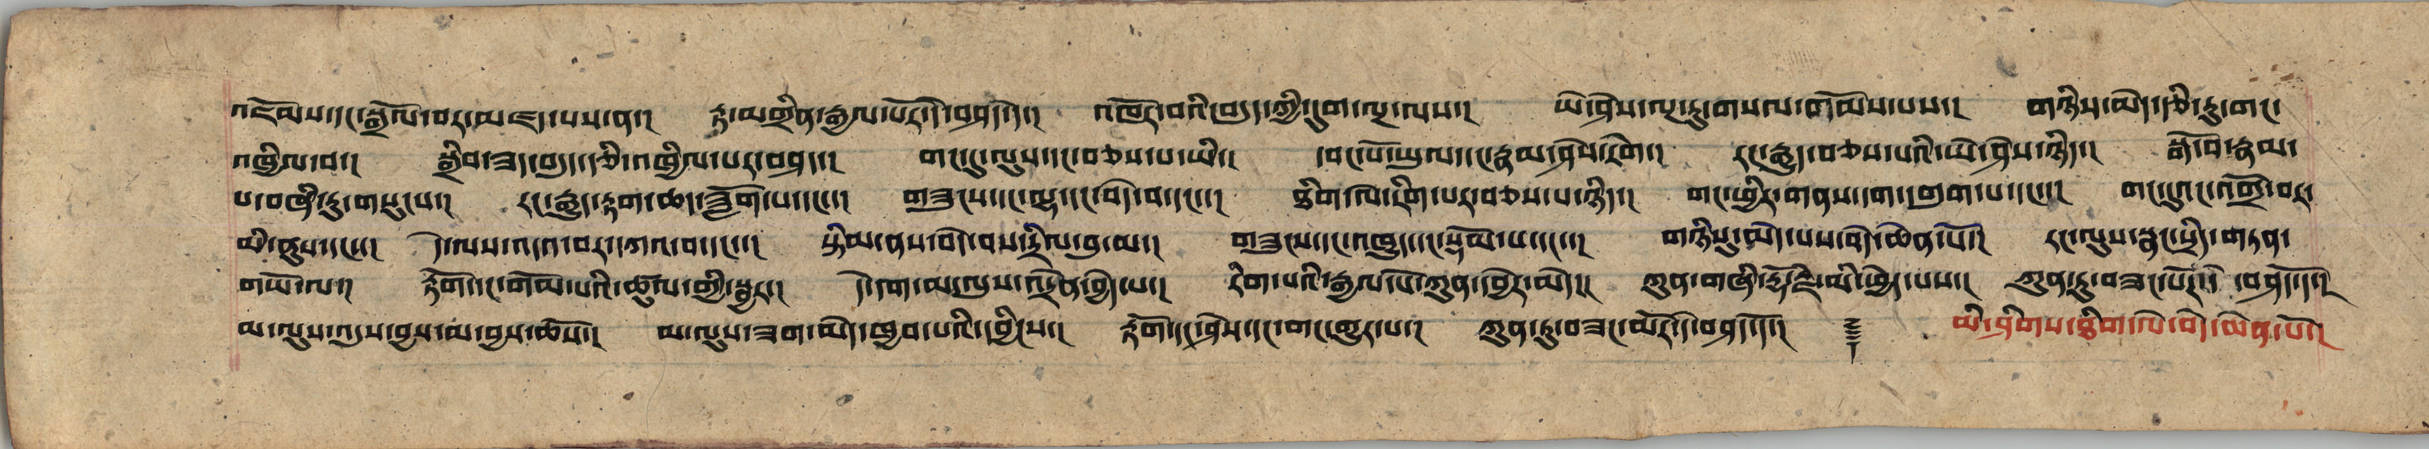འཇོམས་དང་སྒྲོལ་བར་མཛད་པས་ན་། རྟ་མགྲིན་རྒྱལ་པོར་དེ་བཤད་དེ་། འཁོར་བའི་བདུད་ཀྱི་དུག་ལྔ་ལས་། ཡེ་ཤེས་ལྔ་རུ་གསལ་གོམས་པས་། གཉིས་མེད་རྩི་རུ་གང་
འཁྱིལ་བ་། སྒྲིབ་ཟད་བདུད་རྩི་འཁྱིལ་པར་བཤད་། གང་དུ་ལུས་དང་བཅས་པ་ཡི་། དབང་པོ་ཡུལ་དང་རྣམ་ཤེས་རེག་། རང་རྒྱུད་བཅས་པའི་ཡེ་ཤེས་ཉིད་། སྒོ་བ་རྣམ་
པ་བཞི་རུ་གསུངས་། རང་རྒྱུད་རྟག་ཆད་ཟློག་པ་དང་་། གཟུངས་དང་ལྷ་དང་བདེ་བ་དང་་། ཐིག་ལེ་རིག་པར་བཅས་པ་ཉིད་། གང་ཕྱིར་གནས་དག་དགུག་པ་དང་་། གང་དུའང་འགྲོ་བར་
མི་ནུས་དང་་། དེ་ལས་འདའ་བར་དཀའ་བ་དང་་། སྟིམ་ནས་བདེ་བས་དྲིལ་བུ་མ་། གཟུངས་དང་འཁྱུད་དང་སྡོམ་པ་དང་་། གཉིསུ་མེད་པས་བདེ་ཆེན་པོ་། རང་ལུས་སྣང་སྲིད་གཏན་
གཡོ་ལ་། རྟོག་དང་གོམ་པའི་ཚུལ་གྱི་སྦྱར་། དེ་དག་མ་ལུས་འདྲེན་བྱེད་པ་། རིག་པའི་རྒྱལ་པོ་ཀུན་དབྱེར་མེད་། ཀུན་གཞི་རྡོ་རྗེ་མི་ཕྱེད་པས་། ཀུན་ཏུ་བཟང་པོར་དེ ་བཤད་དོ་།
མ་ལུས་འདུས་བྱས་མ་བྱས་ཆོས་། མ་ལུས་ཟག་མེད་ཁྱབ་པའི་དབྱིངས་། རྟོག་དང་ཤེས་དང་གང་གྱུར་པ་། ཀུན་ཏུ་བཟང་མོར་དེ་བཤད་དོ་། ༈ མི་ཤིགས་ཐིག་ལེ་བདེ་ཆེན་པོ་།